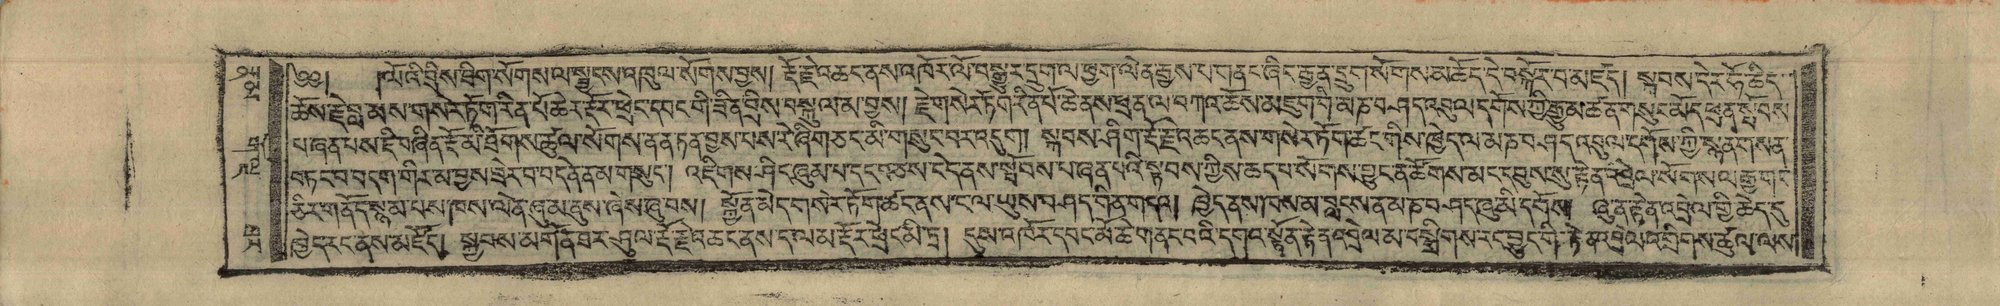༄༅། །ལོའི་བྲིས་ཐིག་སོགས་ལ་སྦྱངས་འཁུལ་སོགས་བྱས། རྡོ་རྗེ་འཆང་ནས་འཁོར་ལོ་བསྒྱུར་དྲུག་ལ་ཕྱག་ལེན་རྒྱས་པ་གནང་ཞིང་རྒྱན་དྲུག་སོགས་མཆོད་དེ་བསྐོར་བ་མཛད། སྐབས་དེར་ཧོ་ཆིད་
ཆོས་རྗེ་བླ་མས་གསེར་ཏོག་རིན་པོ་ཆེར་རྡོར་ཕྲེང་དབང་གི་ཟིན་བྲིས་བསྐུལ་མ་བྱས། རྗེ་གསེར་ཏོག་རིན་པོ་ཆེ་ནས་ཕྲན་ལ་བཀའ་ཆོས་མཇུག་གི་མཎ་བཤད་འབུལ་དགོས་ཀྱི་རྒྱུ་མཚན་གསུང་མོད་ཕྲན་སྤོབས་
པ་ཞན་པས་ཇི་བཞིན་རྡོ་མི་ཐོགས་ཚུལ་སོགས་ནན་ཏན་བྱས་པས་རེ་ཞིག་ཅང་མི་གསུང་བར་འདུག །སྐབས་ཤིག་རྡོ་རྗེ་འཆང་ནས་གསེར་ཏོག་ཚང་གིས་ཁྱེད་ལ་མཎ་བཤད་འབུལ་དགོས་ཀྱི་སྙན་གསན་
བཏང་བ་བདག་གིར་མ་བྱས་ཟེར་བ་བདེན་ནམ་གསུང་། འཇིགས་ཤིང་ཞུམ་པ་དང་བཅས་ངེད་ནས་སྤོབས་པ་ཞན་པའི་སྟབས་ཀྱིས་ཆད་པ་སོགས་བྱུང་ན་ཚོགས་མང་དབུས་སུ་རྟེན་འབྲེལ་སོགས་ལ་རྒྱ་གང་
ཅིར་གནོད་སྙམ་པས་ཁས་ལེན་ཞུ་མ་ནུས་ཞེས་ཞུ་བས། སྐྱོན་མེད་གསེར་ཏོག་ཚང་ནས་ང་ལ་ཡུས་བཤད་གིན་གདའ། ཁྱེད་ནས་ཁས་མ་བླངས་ན་མཎ་བཤད་ཞུ་མི་དགོས། ཞུ་ན་རྟེན་འབྲེལ་གྱི་ཆེད་དུ་
ཁྱེད་རང་ནས་མཛོད། སྐྱབས་མགོན་ཐར་ཤུལ་རྡོ་རྗེ་འཆང་ནས་ད་ལམ་རྡོར་ཕྲེང་མི་ཏྲ། དུས་འཁོར་དབང་མོ་ཆེ་གནང་བའི་དགའ་སྟོན་རྟེན་འབྲེལ་མ་བསྒྲིགས་རང་བྱུང་གི་རྟེན་འབྲེལ་འགྲིགས་ཚུལ་ལས་